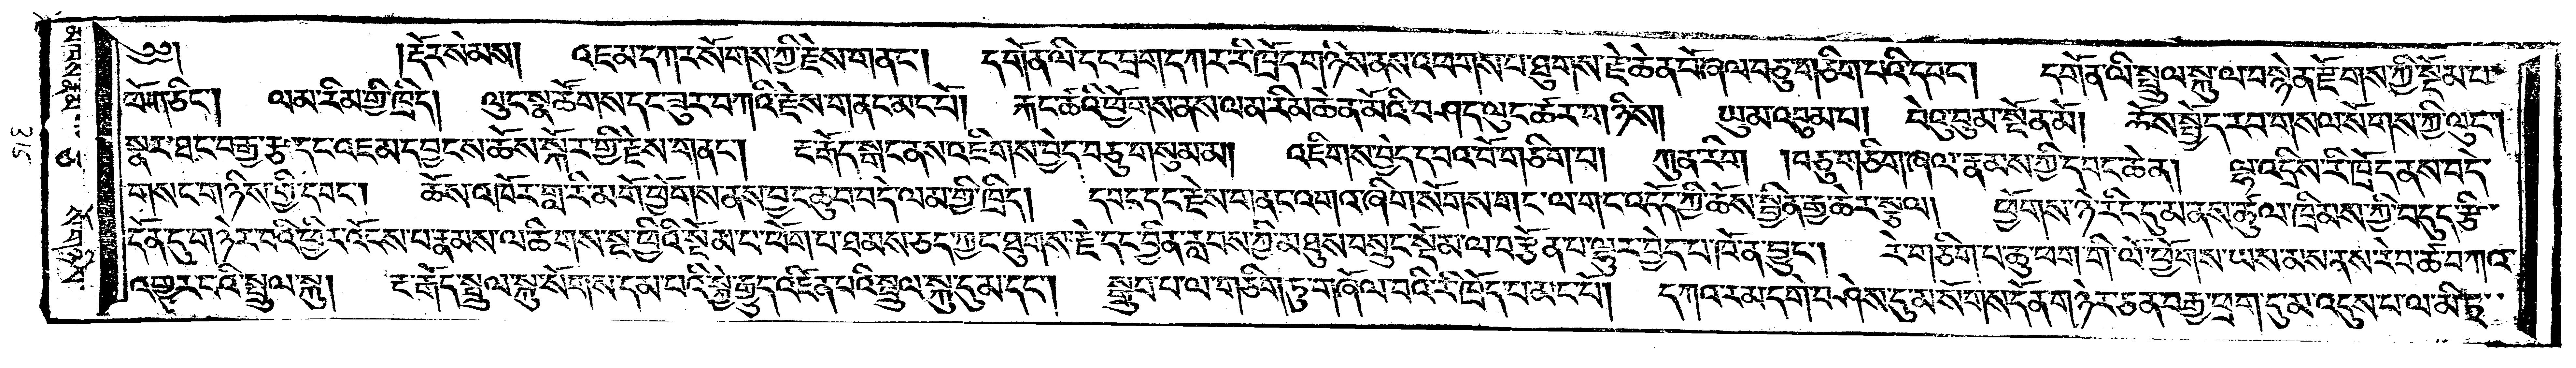༄༅། །རྡོར་སེམས། འཇམ་དཀར་སོགས་ཀྱི་རྗེས་གནང་། དགོན་ལི་དང་བྲག་དཀར་རི་ཁྲོད་གཉིས་ནས་འཕགས་པ་ཐུགས་རྗེ་ཆེན་པོ་ཞལ་བཅུ་གཅིག་པའི་དབང་། དགོན་ལི་སྤྲུལ་སྐུ་ལ་བསྙེན་རྫོགས་ཀྱི་སྔོམ་པ་
ཕོག་ཅིང་། ལམ་རིམ་གྱི་ཁྲིད། ལུང་སྣ་ཚོགས་དང་ཟུར་བཀའི་རྗེས་གནང་མང་པོ། རྐང་ཚའི་ཕྱོགས་ནས་ལམ་རིམ་ཆེན་མོའི་བཤད་ལུང་ཚར་གཉིས། ཡུམ་འབུམ་པ། བེའུ་བུམ་སྔོན་མོ། ཆོས་སྤྱོད་རབ་གསལ་སོགས་ཀྱི་ལུང་།
སྣར་ཐང་བརྒྱ་རྩ་དང་འཇམ་དབྱངས་ཆོས་སྐོར་གྱི་རྗེས་གནང་། རྔ་རྒོད་སྒང་ནས་འཇིགས་བྱེད་བཅུ་གསུམ་མ། འཇིགས་བྱེད་དཔའ་བོ་གཅིག་པ། ཀུན་རིག །བཅུ་གཅིག་ཞལ་རྣམས་ཀྱི་དབང་ཆེན། ལྷ་འདྲིས་རི་ཁྲོད་ནས་བདེ་
གསང་གཉིས་གྱི་དབང་། ཆོས་འཁོར་གླ་རིམ་མགོ་ཕྱོགས་ནས་བྱང་ཆུབ་བདེ་ལམ་གྱི་ཁྲིད། དབང་དང་རྗེས་གནང་འགའ་ཞིག་སོགས་གང་ལ་གང་འདོད་ཀྱི་ཆོས་སྦྱིན་རྒྱ་ཆེར་སྩལ། ཕྱོགས་ཉེ་རིང་དུ་མ་ནས་ཚུལ་ཁྲིམས་ཀྱི་བདུད་རྩི་
དོན་དུ་གཉེར་བའི་ཕྱིར་འོངས་བ་རྣམས་ལ་ཚིགས་སྔ་ཕྱིའི་སྡོམ་པ་ཕོག་པ་ཐམས་ཅད་ཀྱང་ཐུགས་རྗེ་དང་བྱིན་རླབས་ཀྱི་མཐུས་བསྲུང་སྡོམ་ལ་བརྩོན་པ་ལྷུར་བྱེད་པ་ཁོ་ན་བྱུང་། རེ་གཅིག་པ་ཆུ་ཕག་གི་ལོ་ཕྱོགས་ཡས་མས་ནས་རེབ་ཆ་བཀའ་
འགྱུར་བའི་སྤྲུལ་སྐུ། རྔ་རྒོད་སྒྲུལ་སྐུ་སོགས་དམ་པའི་སྐྱེ་རྒྱུད་འཛིན་པའི་སྦྲུལ་སྐུ་དུ་མ་དང་། སྒྲུབ་པ་ལ་གཅིག་ཏུ་གཞོལ་བའི་རི་ཁྲོད་པ་མང་པོ། དཀའ་རམ་དགེ་བཤེས་དུ་མ་སོགས་དོན་གཉེར་ཅན་བརྒྱ་ཕྲག་དུ་མ་འདུས་པ་ལ་མི་ཏྲ་